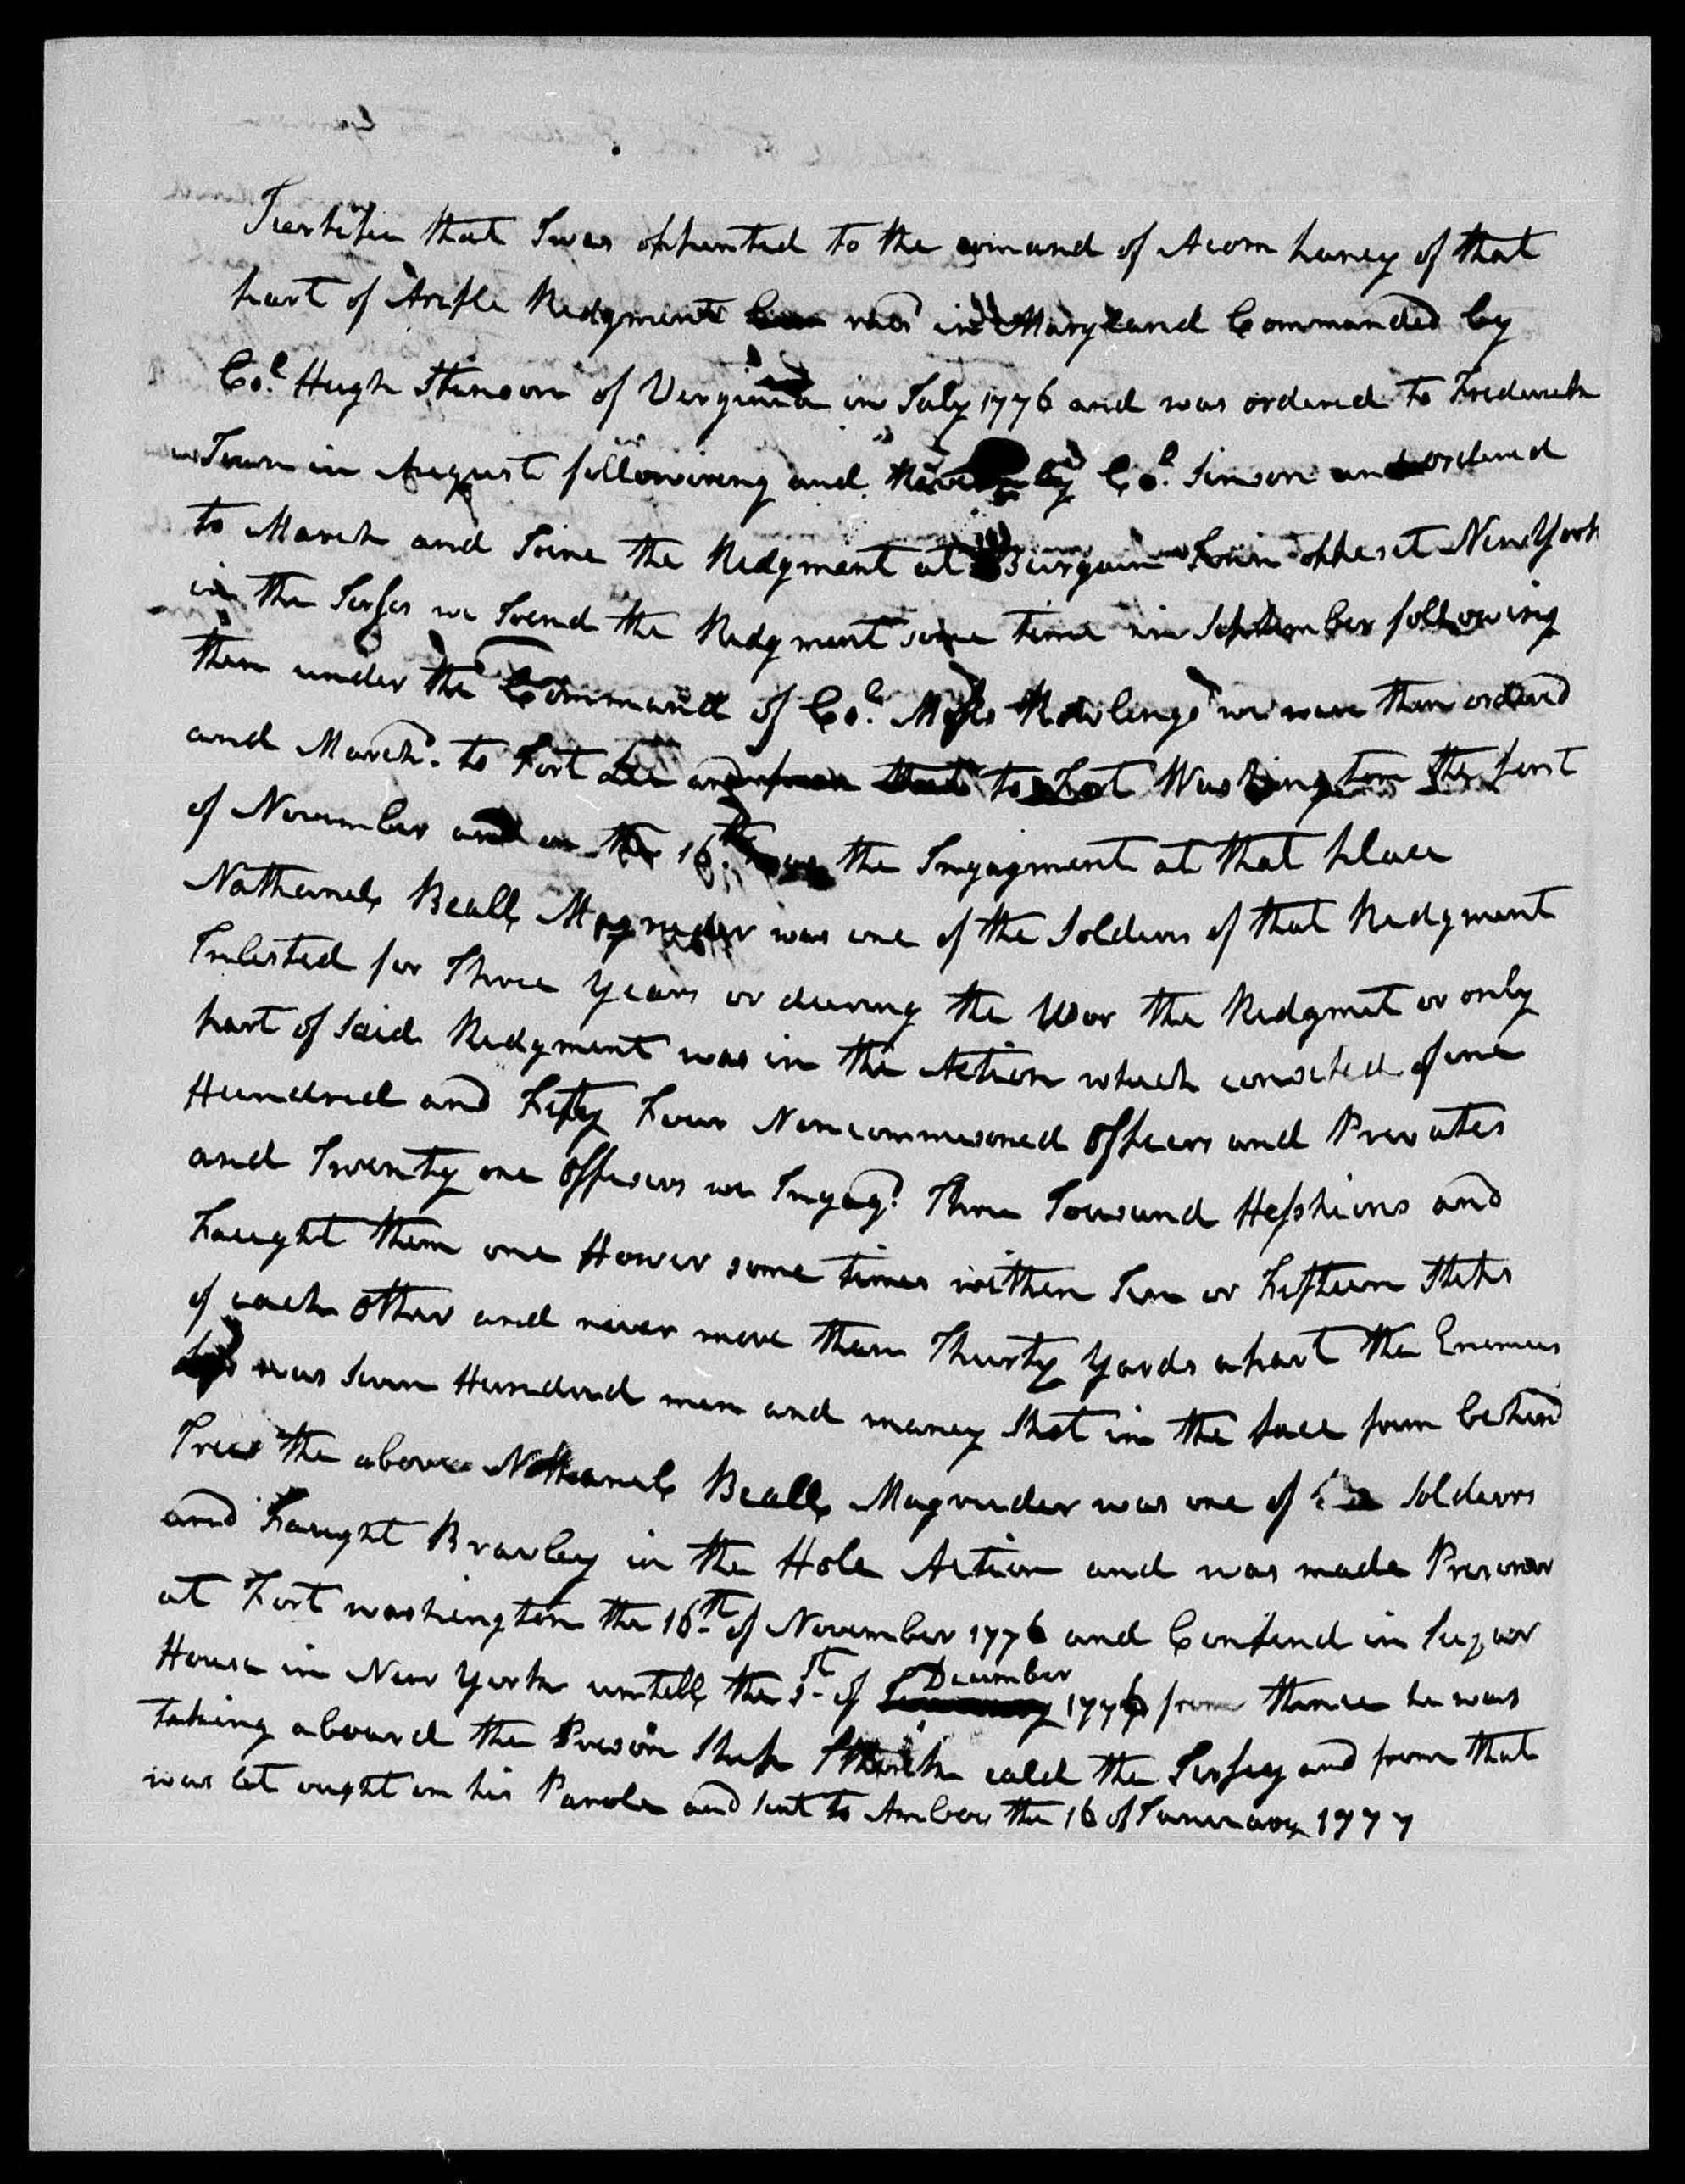Testifies that I was appointed to the command of [illegible] of that
part of a rifle Redgment[sic] in Maryland commanded by
Col Hugh [illegible] of Virginia in July 1776 and was ordered to Frederick
Town in August following and [illegible] by Col. Tinson and ordered
to March and join the redgment[sic] at [illegible] New York
in the [illegible] we found the redgment[sic] some time in September following
then under the command of Col. Rowlings we were then ordered
and March to Fort Lee and to then to Fort Washington the first
of November and on the 16th [illegible] the Ingagment[sic] at that place
Nathaniel Beall Magruder was one of the soldiers of that Redgment[sic]
enlisted for three years or during the war the Redgment[sic] or only
part of said Redgment[sic] was in the Action which consisted of one
Hundred and Fifty four Noncommissioned officers and Privates
and Twenty one officers were ingaged[sic].  There [illegbile] Hopkins and
fought them one [illegible] some time within ten or fifteen [illegible]
each other and never more than thirty yards apart the Enemy
was [illegible] Hundred men and many that in the [illegible] from behind
[illegible] the above Nathaniel Bell Magruder was one of the soldiers
and fought Bravely in the Hole Action and was made prisoner
at Fort Washington the 16th of November 1776 and confined in [illegible]
House in New York untill[sic] the [illegible]th of December 1776 from thence he was
taking aboard the prison ship [illegible] call the Jersey and from that
was it ought in his parole and sent to Amboy the 16 of January 1777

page: 12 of 13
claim: survivor's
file: S. 34973, for Nathaniel Beale Magruder, Maryland